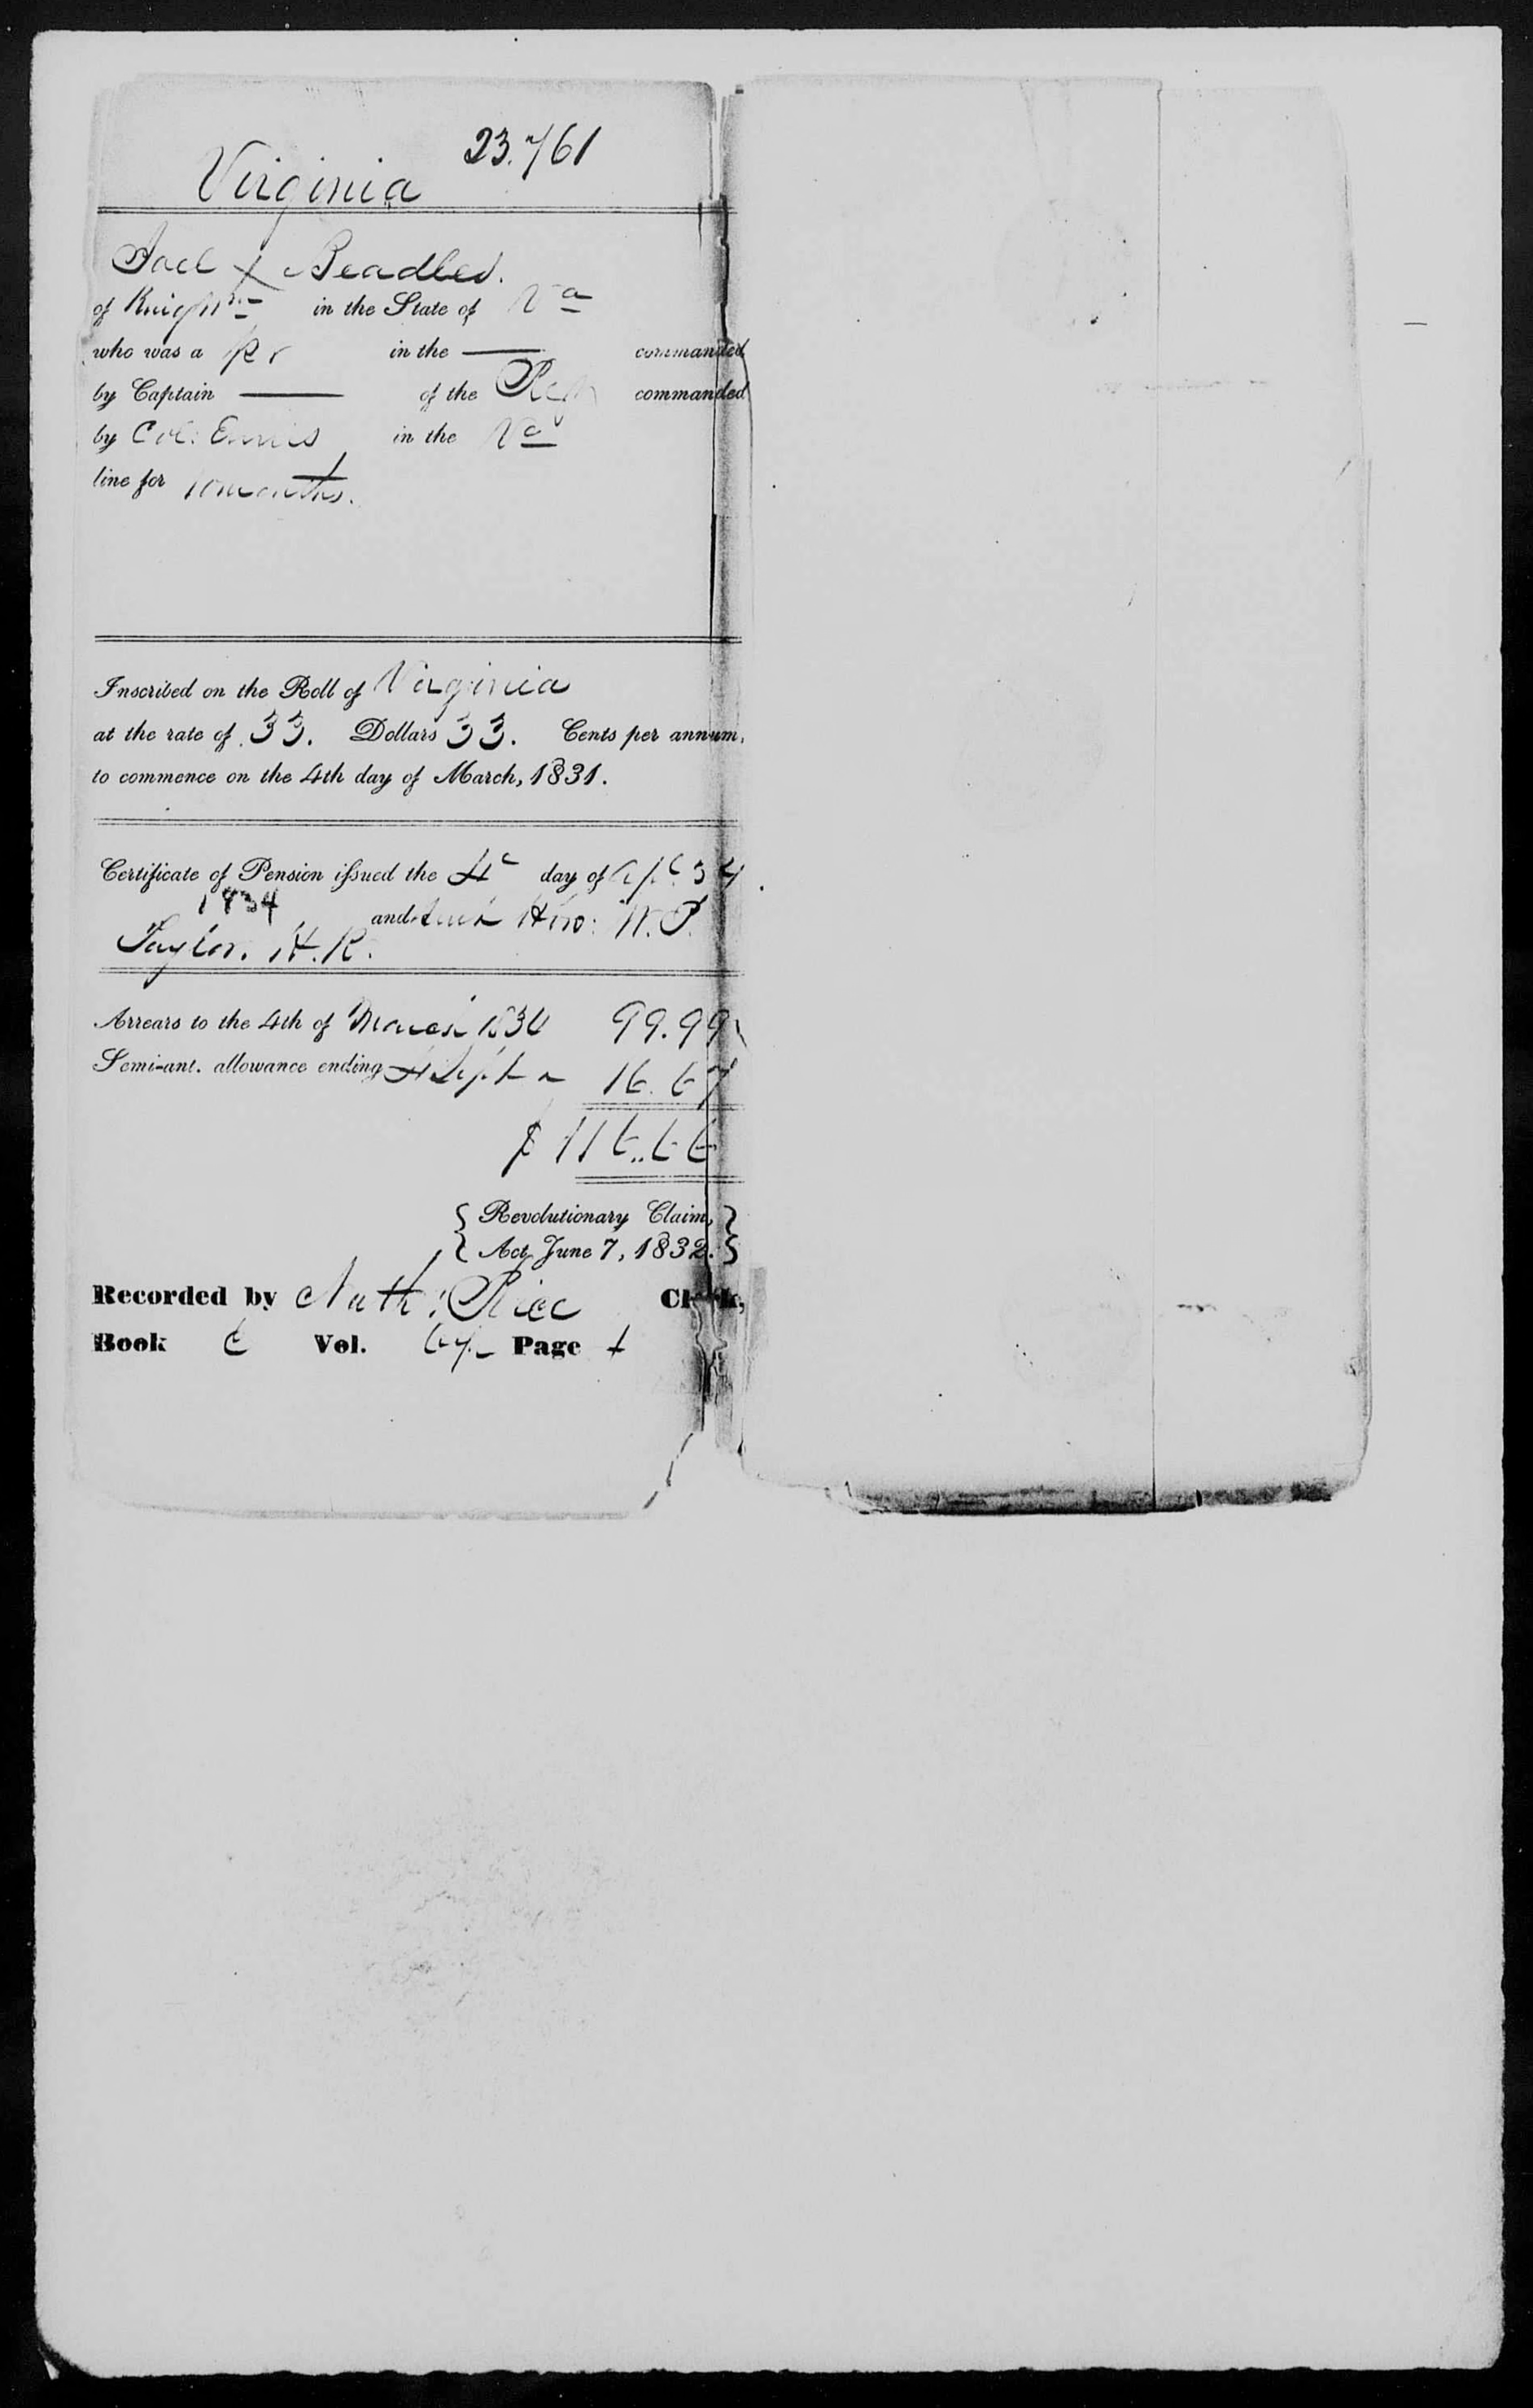Virginia   23.761

Joel Beadles

of in the State of Virginia
who was a private in the commanded
by Captain of the Regiment commanded
by Colonel Ennis in the Virginia
line for 10 months

Inscribed on the Roll of Virginia
at the rate of 33. Dollars 33. Cents per annum,
to commence on the 4th day of March, 1831.

Certificate of Pension issued the 14th day of April 1834 and  W. P. Tayolr, H. R.

Arrears to the 4th of March 1834  99.99
Semi allowance ending                  16.67

                                                    $116.66

Revolutionary Claim,
Act June 7, 1832.

Recorded by Nath. Rice Clerk
Book C Vol.  Page 4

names: Eunis, W P Taylor, Nath Rice, Joel Beadles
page: 2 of 13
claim: survivor's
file: S. 17841, Joel Beadles, Va.